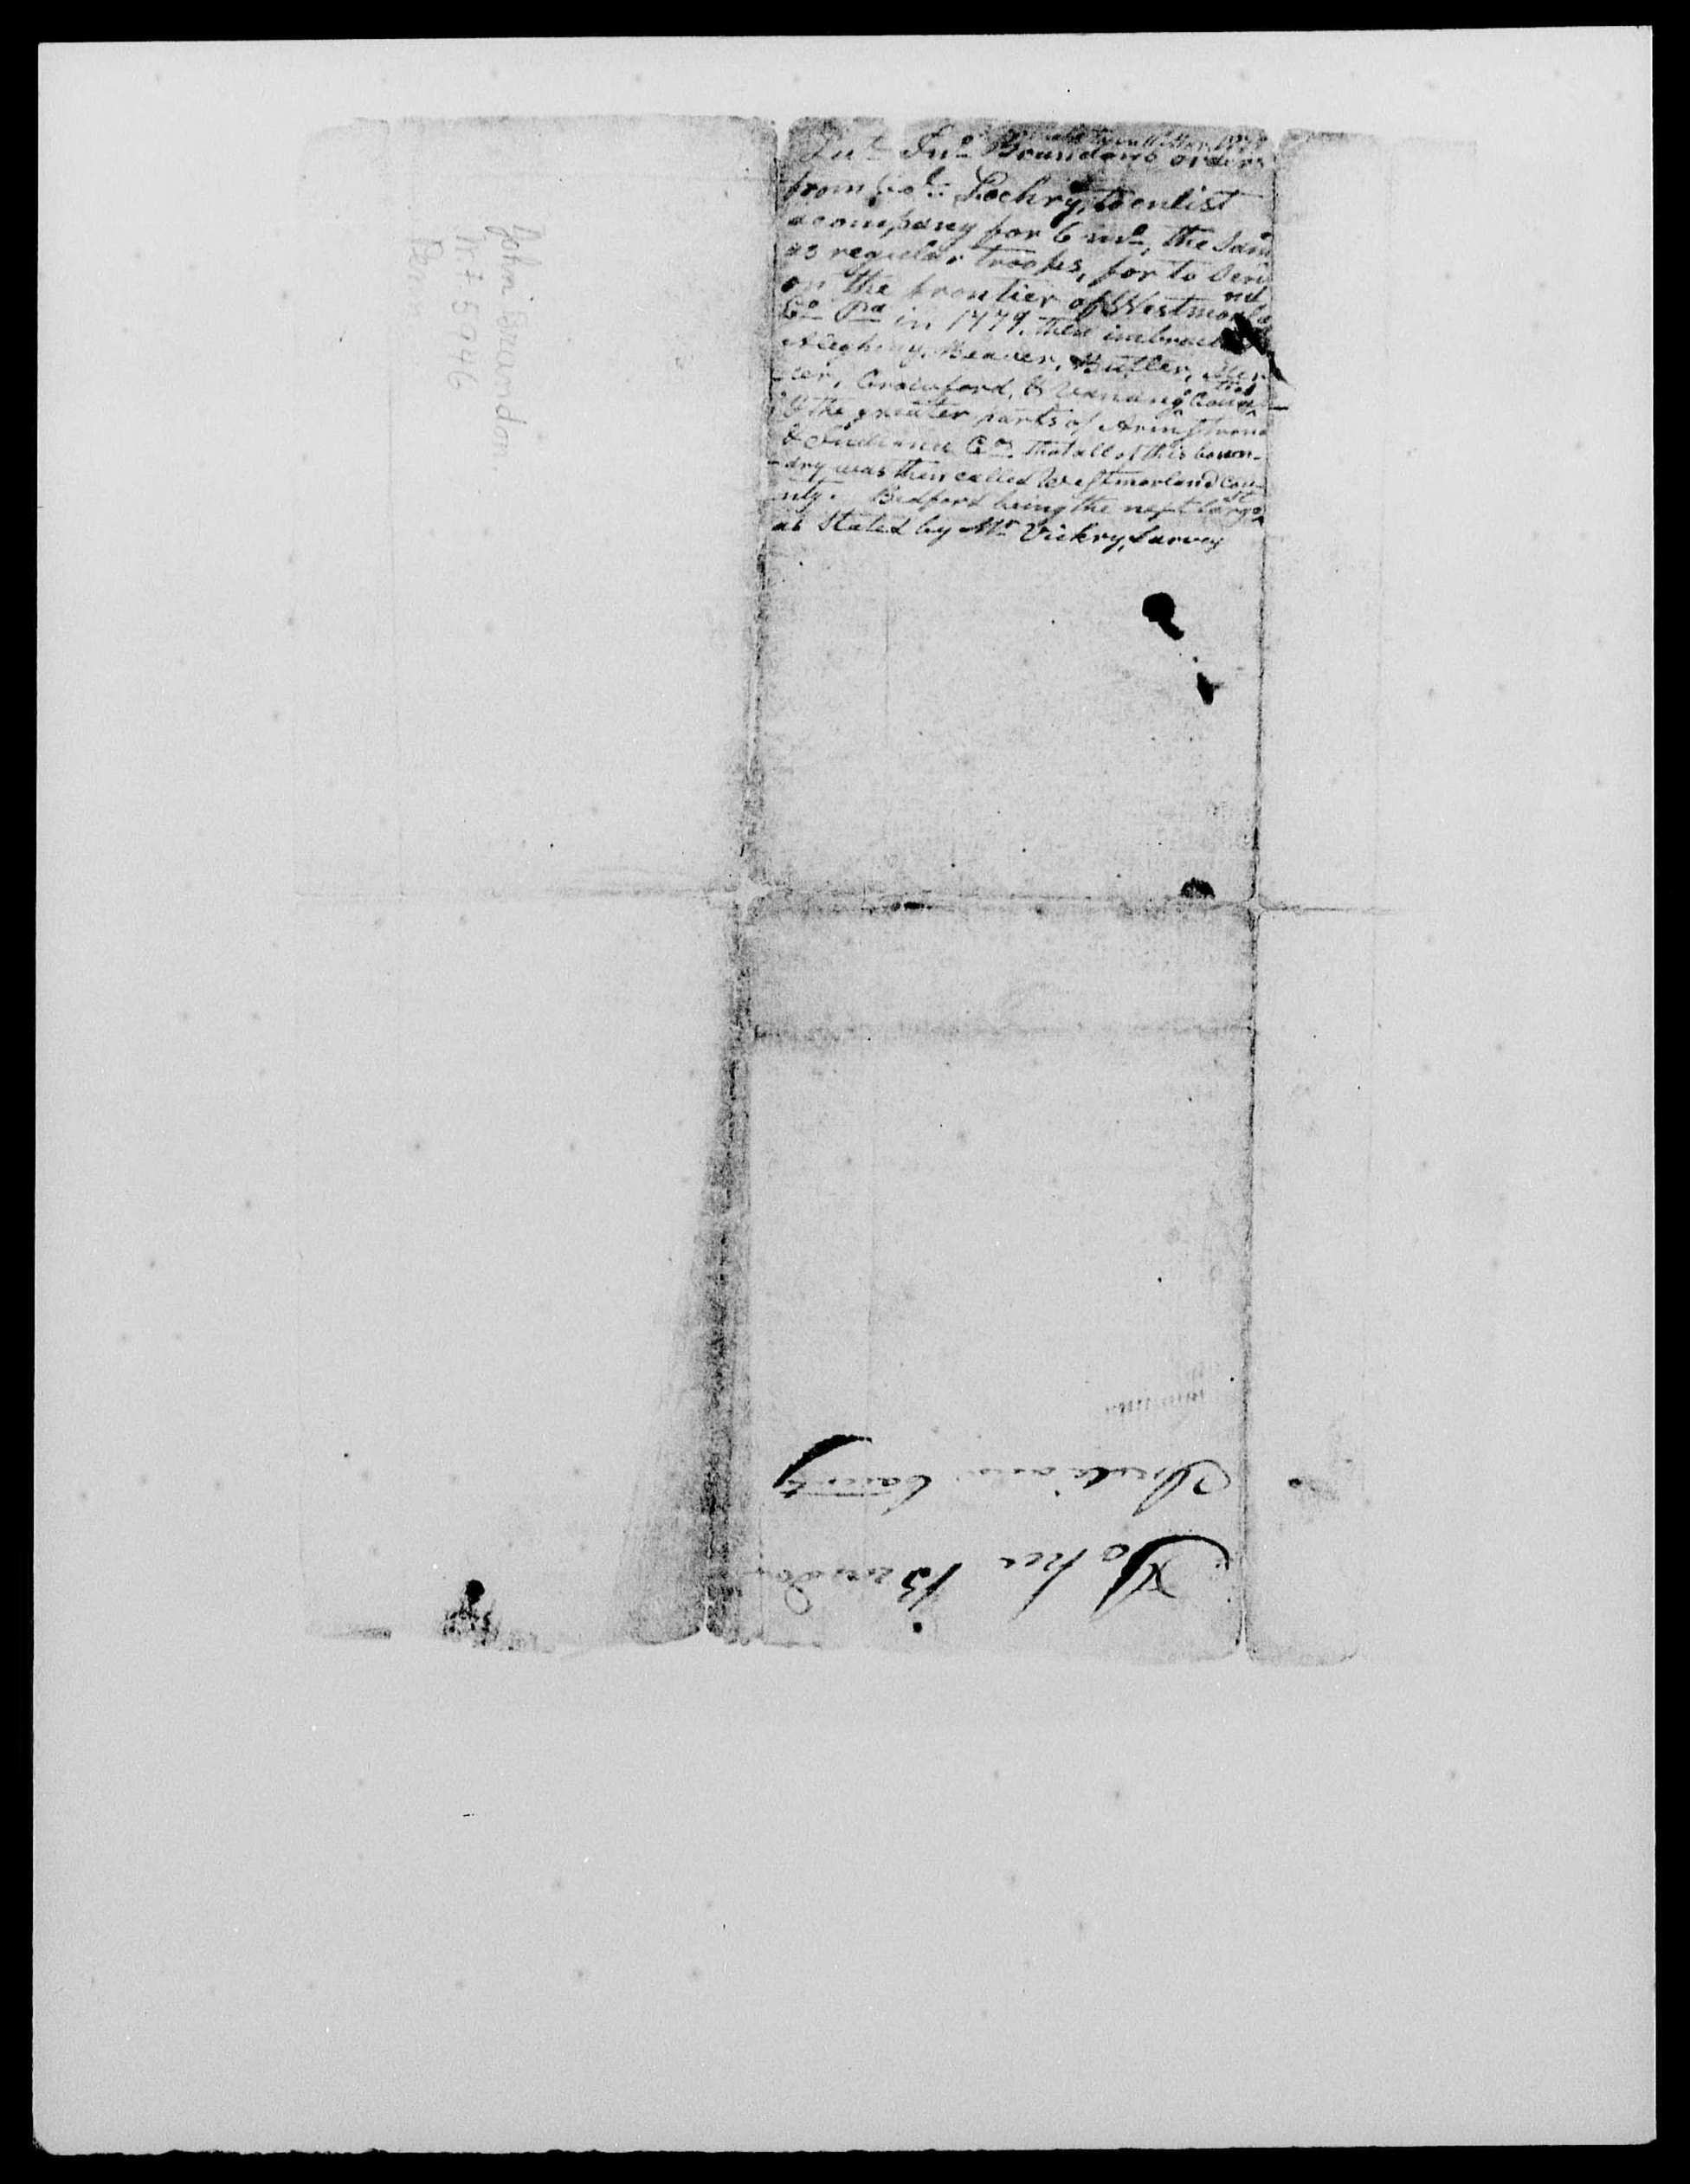John Brandon
W.F. 5946
Penn.

[illegible]
Liet. Jno. Brandons order from Col. Lochry, to enlist a company for 6 ms., the same as regular troops, for to serve on the frontier of Westmoreland Co. Pa. in 1779. Then inclosed(?) Alegheny, Beaver, Butler, Mercer, Crawford, & Venango counties & the greater parts of Armstrong & Indiana Cos. that all of this Country was then called Westmoreland County. Bedford being the next largest as stated by Mr. Vickry Survey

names: Lochry, Vickry, John Brandon, John Brandon, Jno Brandon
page: 23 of 83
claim: widow's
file: W. 5946, John Brandon, Penn